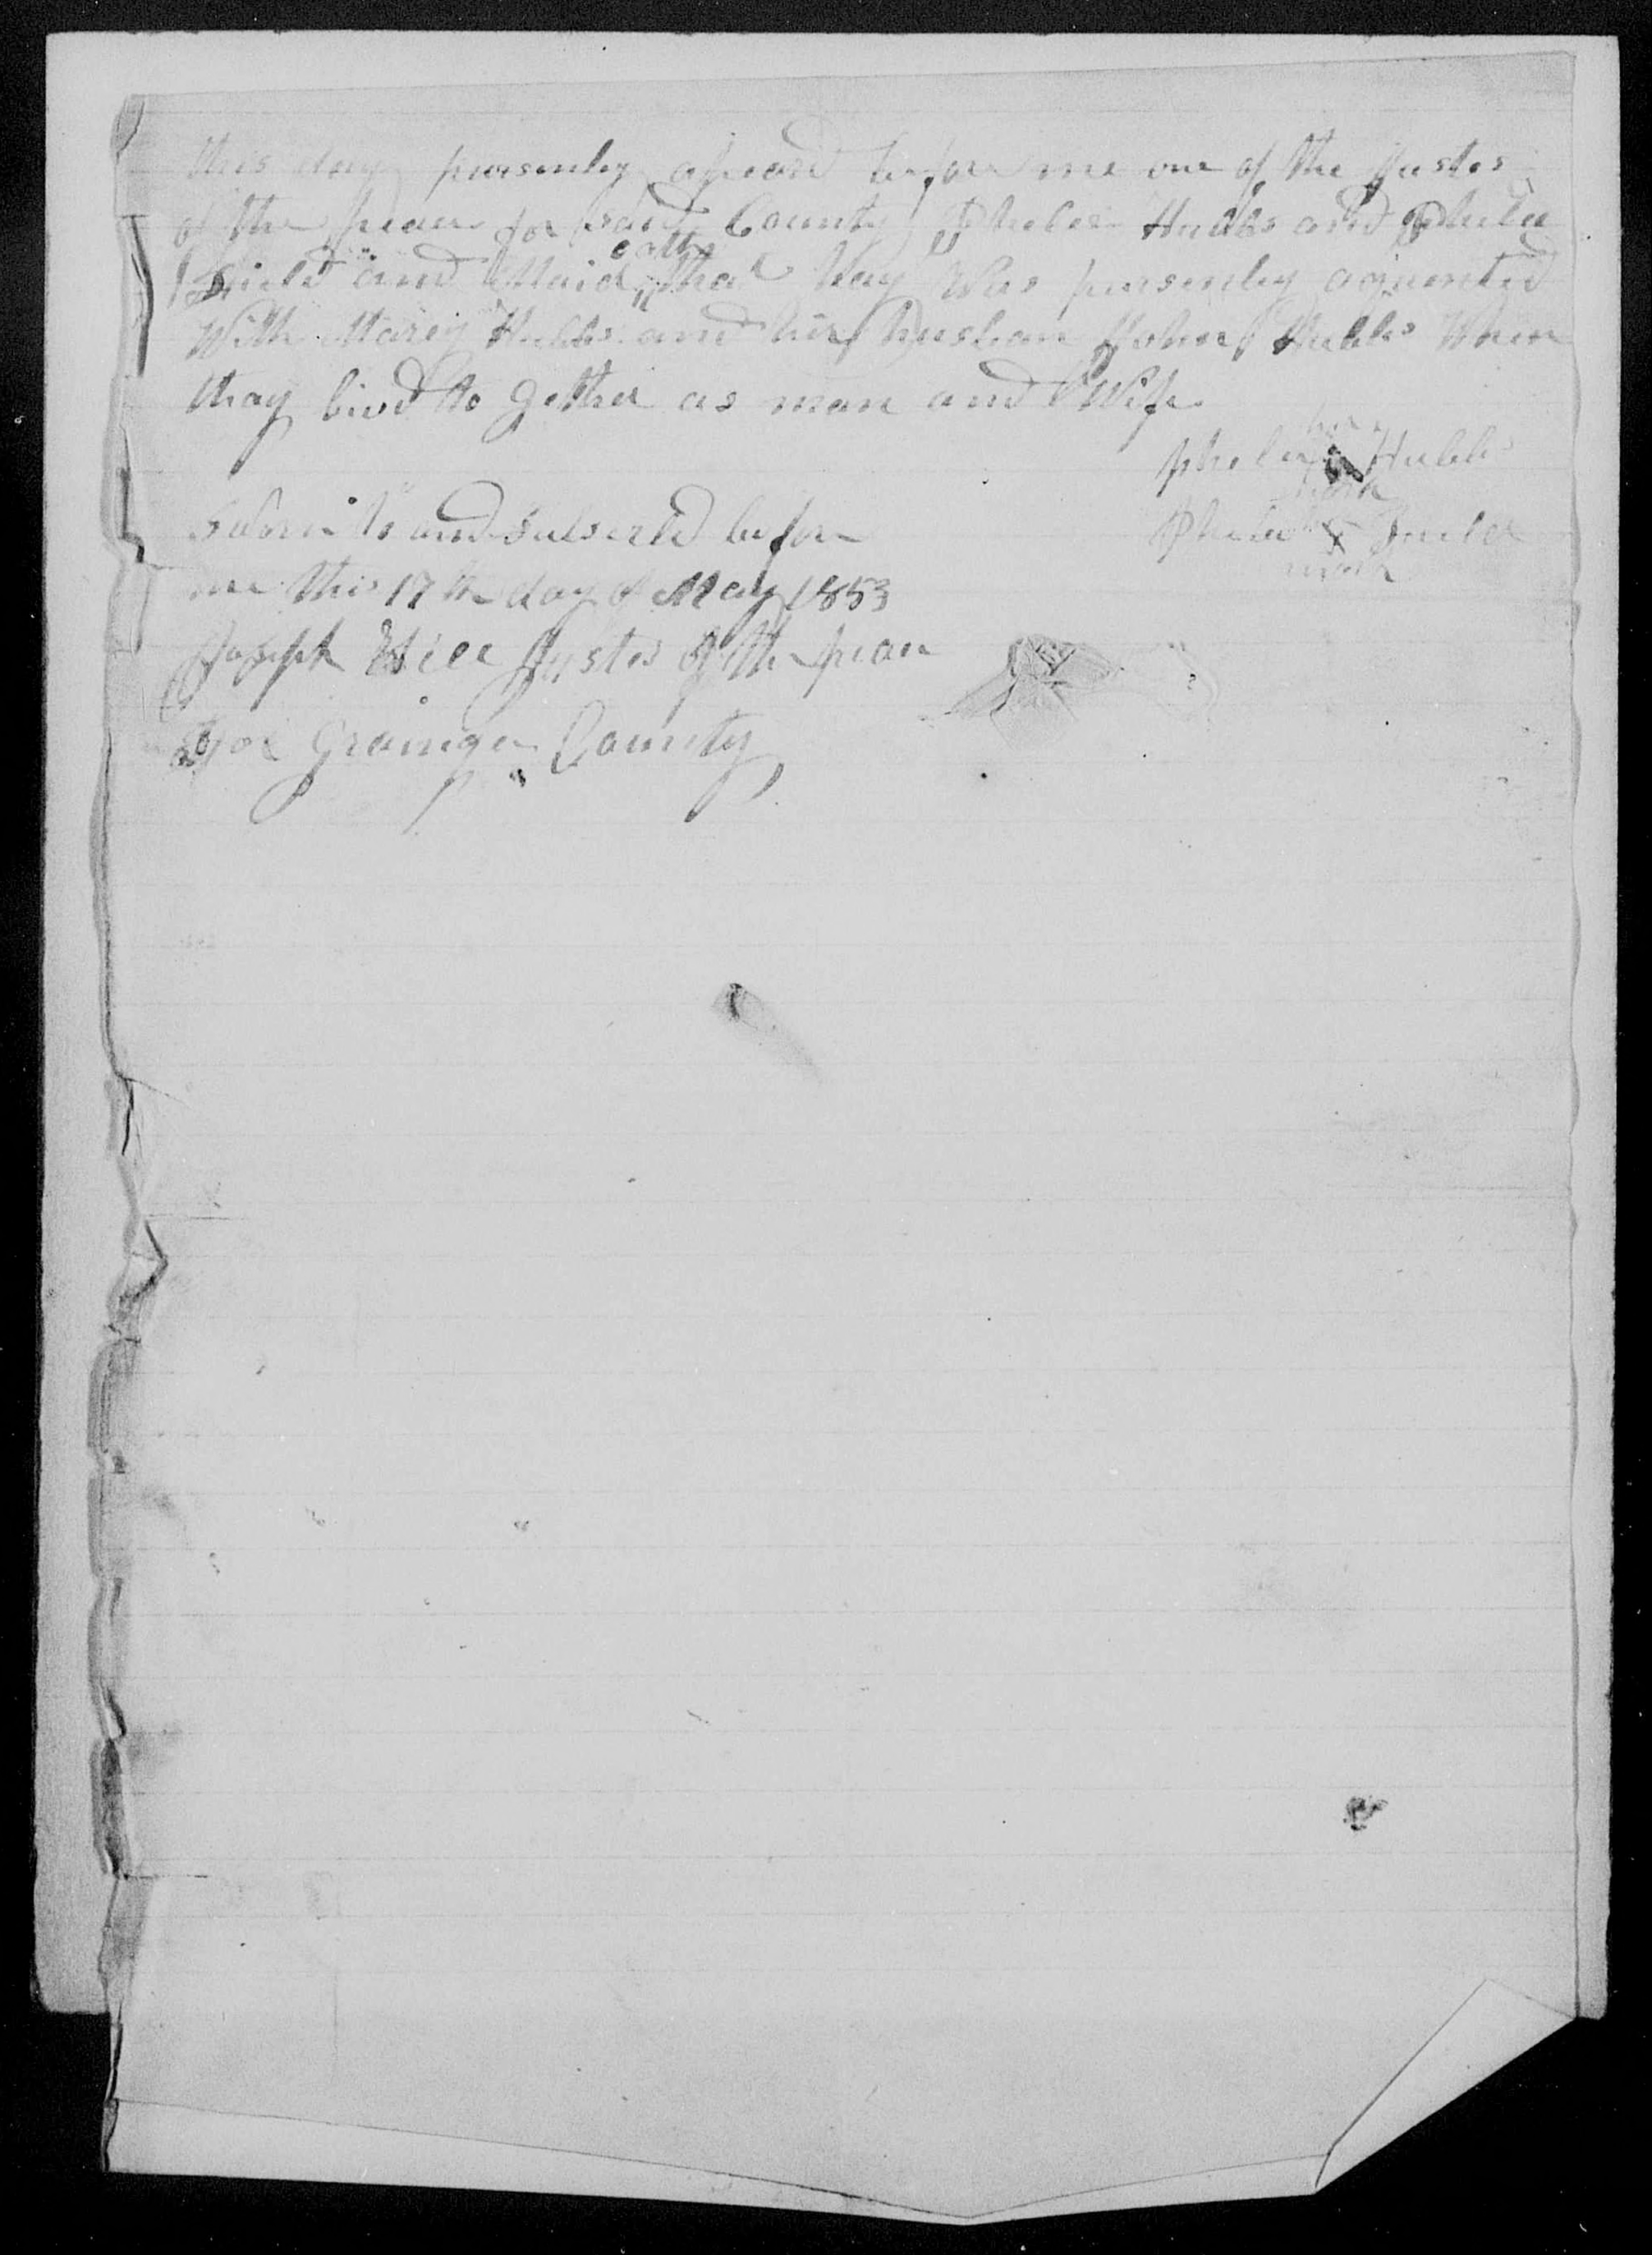This day  personley apeared before me one of the Justes of the peace for said County Pheles Hubbs and Philes Field and Maid Catty  that they was personley aquinted With MARY hubbs and hir husband John Hubbs When they bind to gether as man and wife.
his mark - Phelex Hubbs
his mark - Philes Field
sworn to and subscribed before me this 17th day of May 1853
Joseph Hill Justis of the peace
for Grange County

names: Philip Hubbs, Phila Huber, Joseph Hill, Mary Hubbs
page: 18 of 86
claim: widow's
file: W. 1035, John Hubbs, S.C.